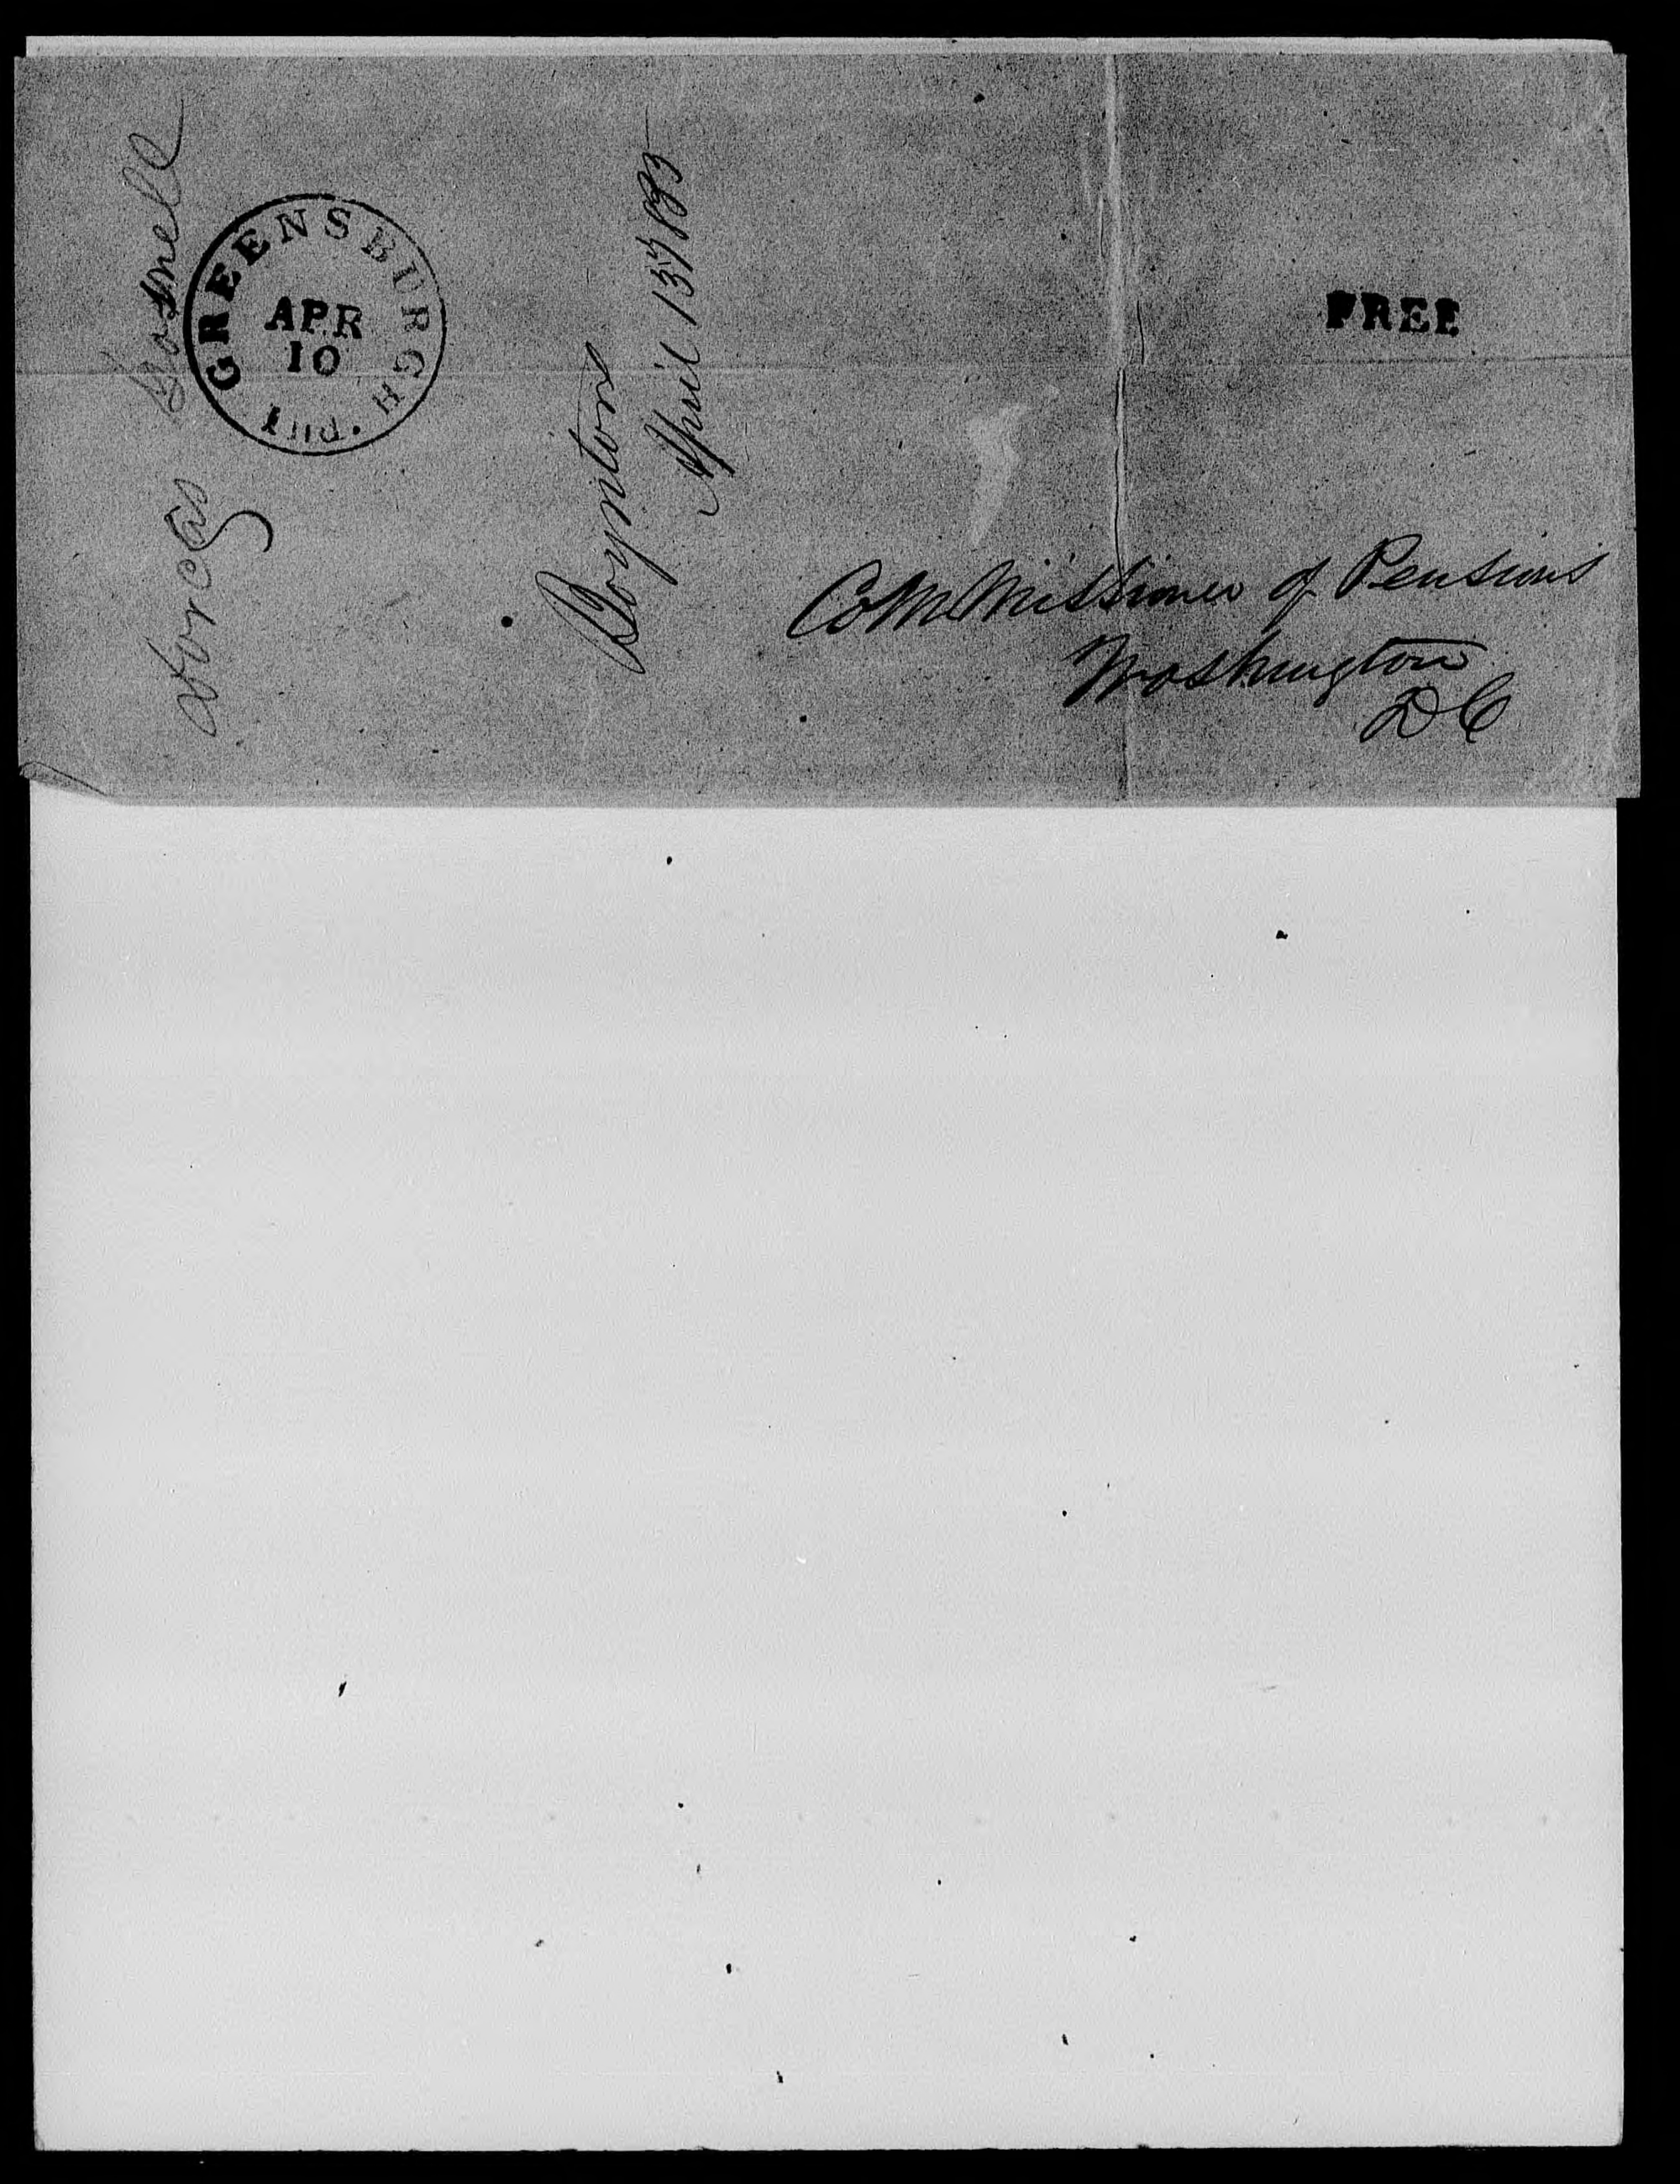[vertical; starting at left]
Dorcas Gosnell

Boyntons
April 13' 1855

[horizontal]
[circular stamped ink seal; left]
GREENSBURGH Ind. 
APR 10
[stamped ink seal; right]
FREE

[written]
Commissioner of Pensions
Washington City
D C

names: Dorcas Gosnell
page: 34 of 39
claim: widow's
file: W. 11060, Benjamin Gosnell, Va.